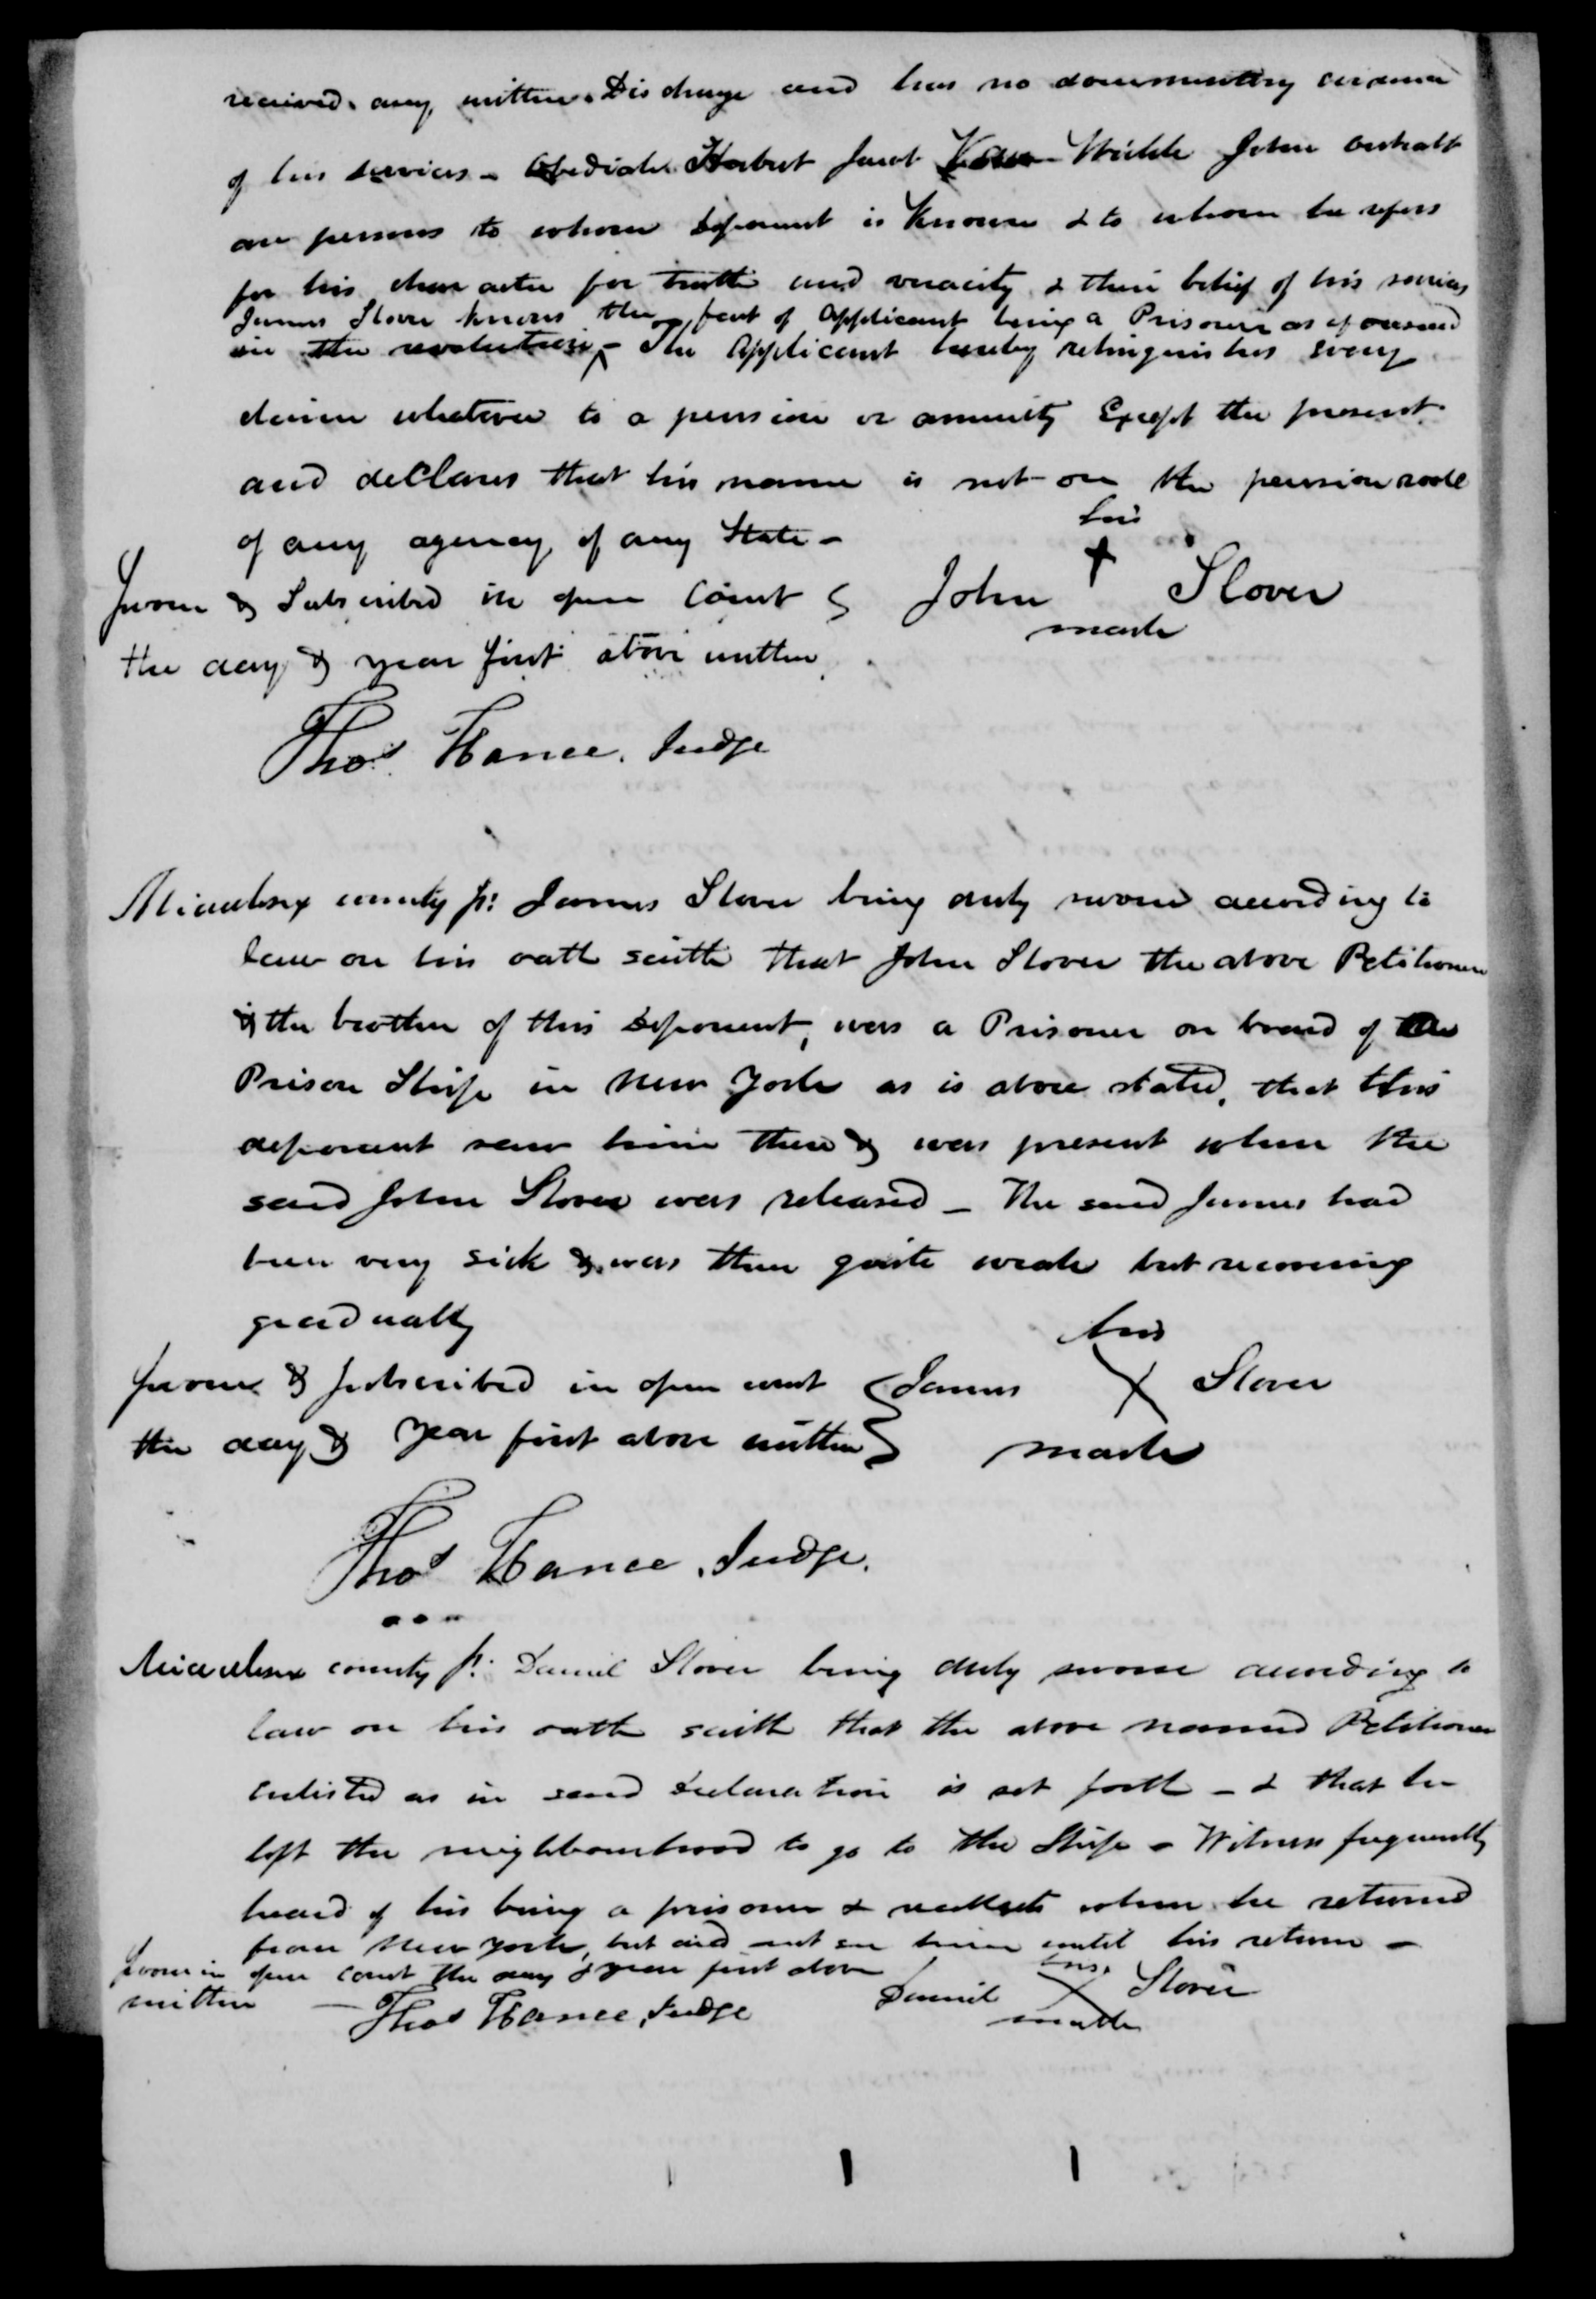...received any written discharge and has no documentary evidence of his services. Obediah Herbert, Jacob Van Widale, John Orstroff are persons to whom deponent is known & to whom he refers for his character for truth and veracity & their belief of his services in the revolution. James Stover knows the fact of applicant being a prisoner as aforesaid. The applicant hereby relinquishes every claim whatever to a pension or annuity except the present and declares that his name is not on the Pension Roll of any Agency of any State.
s/ John Slover (X - his mark)

Sworn & subscribed in Open Court the day & year first above written.
s/ Thos. Hance, Judge

Middlesex County//

James Slover, being duly sworn according to law on his oath saith that John Slover. the above petitioner & the brother of this deponent, was a prisoner onboard of a prison ship in New York as is above stated. That this deponent saw him there & was present when the said John Slover was released. The said James [Slover] had been very sick & was then quite weak but recovering gradually.
s/ James Slover (X - his mark)

Sworn & subscribed in Open Court the day & year first above written.
s/ Thos. Hance, Judge

Middlesex County//

Daniel Slover, being duly sworn according to law on his oath saith that the above named petitioner enlisted as in said declaration is set forth & that he left the neighborhood to go to the ship. Witness frequently heard of his being a prisoner & recollects when he returned from New York but did not see him until his return.
s/ Daniel Slover (X - his mark)

Sworn & subscribed in Open Court the day & year first above written.
s/ Thos. Hance, Judge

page: 6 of 46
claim: widow's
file: W. 6205, for John Slover, New Jersey